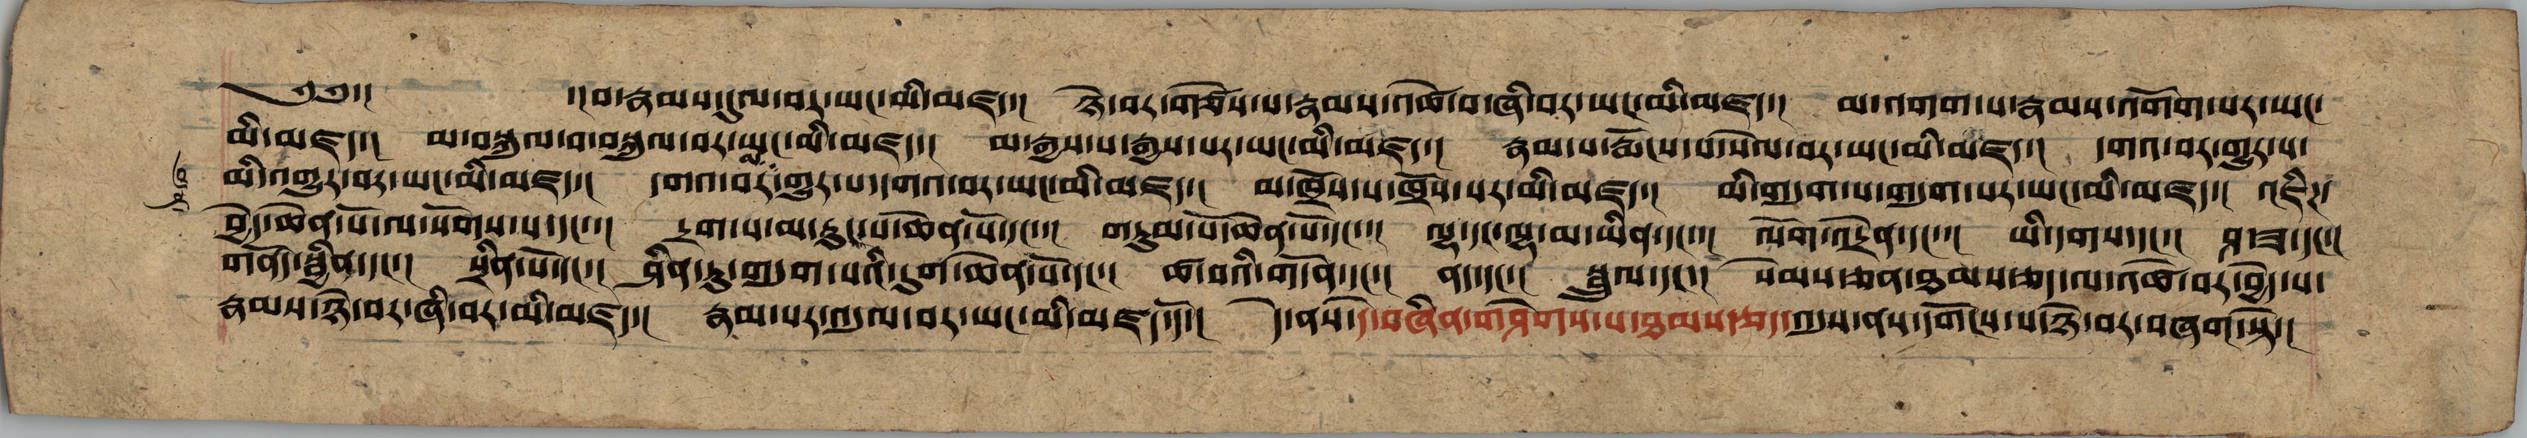༄༅་། ་།བ་རྣམས་དུལ་བར་ཡང་མི་མཛད་། ཉེ་བར་གཙེས་པ་རྣམས་འཚེ་བ་ཞི་བར་ཡང་མི་མཛད་། མ་འགག་པ་རྣམས་འགོག་པར་ཡང་
མི་མཛད་། མ་བསྐུལ་བ་བསྐུལ་བར་ཡང་མི་མཛད་། མ་རྒྱས་པ་རྒྱས་པར་ཡང་མི་མཛད་། རྣམ་པ་རྨོངས་པ་སེལ་བར་ཡང་མི་མཛད་། དགའ་བར་གྱུར་པ་
མི་འགྱུར་བར་ཡང་མི་མཛད་། དགའ་བར་གྱུར་པ་དགའ་བར་ཡང་མི་མཛད་། མ་ཁྲོས་པ་ཁྲོས་པར་མི་མཛད་། མི་གདུག་པ་གདུག་པར་ཡང་མི་མཛད་། འཇིཌ་
བྱེད་ཆེན་པོ་ལ་སོགས་པ་དང་་། དྲག་པ་མ་རུང་པ་ཆེན་པོ་དང་། གཏུམ་པོ་ཆེན་པོ་དང་་། ལྷ་དང་ལྷ་མ་ཡིན་དང་་། ལོག་འདྲེན་དང་་། ཡི་དགས་དང་་། ཤ་ཟ་དང་་།
གནོད་སྦྱིན་དང་་། སྲིན་པོ་དང་་། ཤིན་ཏུ་གདུག་པའི་དུག་ཆེན་པོ་དང་་། ཚ་བའི་གདོན་དང་་། ནད་དང་། སྦྲུལ་དང་་། སེམས་ཅན་ཐམས་ཅད་ལ་འཚེ་བར་བྱེད་པ་
རྣམས་ཉེ་བར་ཞི་བར་མི་མཛད་། རྣམ་པར་འདུལ་བར་ཡང་མི་མཛད་དོ་། དེ་ནས་དེ་བཞིན་གཤེགས་པ་ཐམས་ཅད་འདུས་ནས་དགོངས་པ་ཉེ་བར་བཞག་སྟེ་།